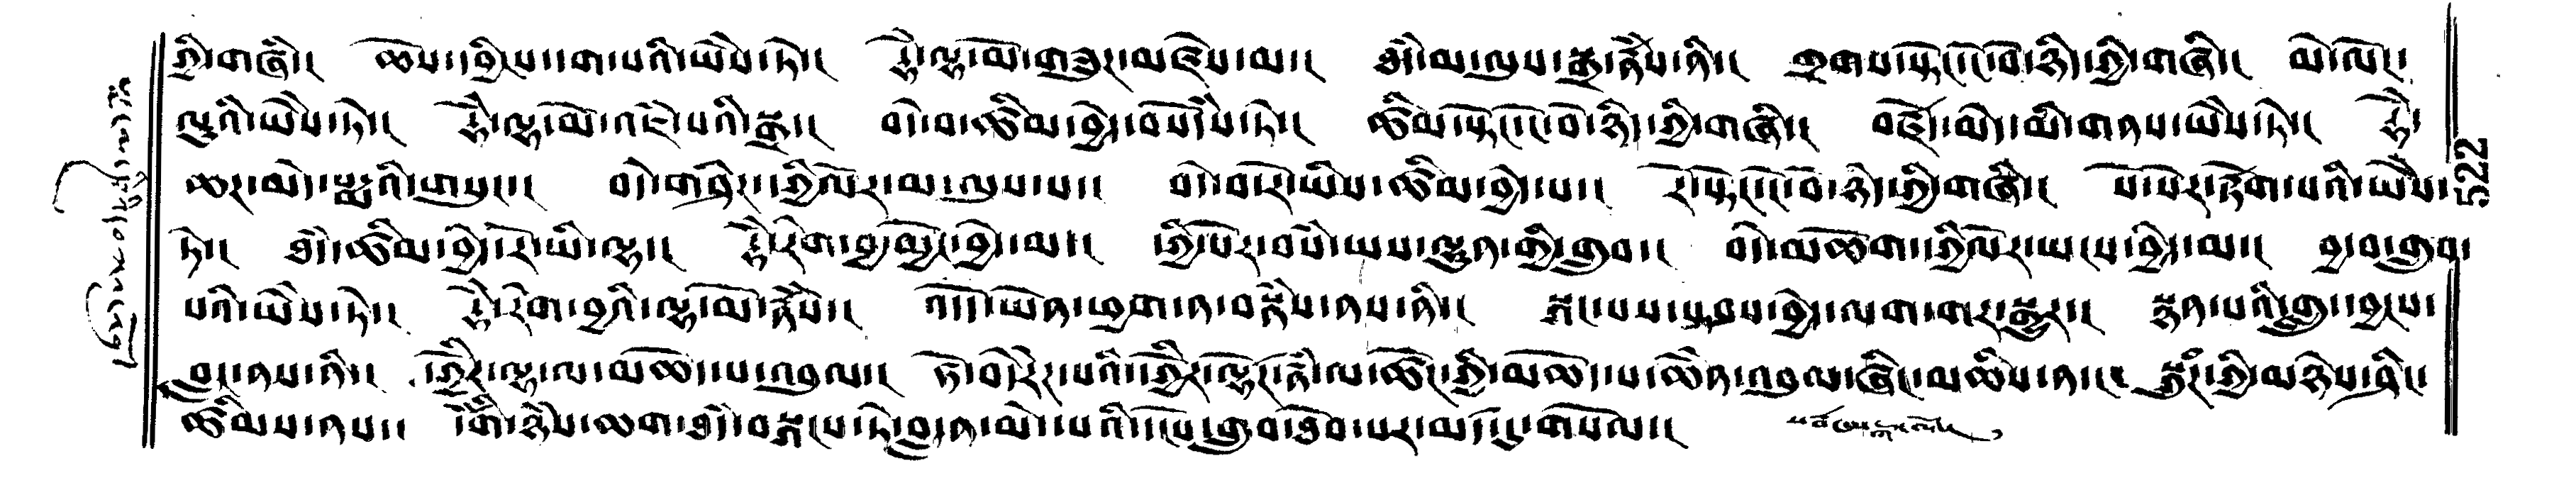ཀྱི་གཞི། །ཆོས་དབྱིངས་དག་པའི་ཡེ་ཤེས་ཏེ། །རྡོ་རྗེ་ལྷ་མོ་གཟུགས་མཛེས་མ། །ཐམས་ཅད་མ་ལུས་སྒྲ་རྣམས་ནི། །གྲགས་སྟོང་ངོ་བོ་ཉིད་ཀྱི་གཞི། །མེ་ལོང་
ལྟ་བུའི་ཡེ་ཤེས་ཏེ། །རྡོ་རྗེ་ལྷ་མོ་འཇམ་པའི་སྒྲ། །བདེ་བ་ཚིམ་བྱེད་བསོད་རྣམས་ཏེ། །ཚིམ་སྟོང་ངོ་བོ་ཉིད་ཀྱི་གཞི། །རྗོད་མེད་མི་གནས་ཡེ་ཤེས་ཏེ། །རྡོ་རྗེ་
ཆགས་མེད་པདྨའི་གསུང་། །བདེ་གཤེགས་དཀྱིལ་འཁོར་མ་ལུས་པ། །བདེ་བ་རོ་ཡིས་ཚིམ་བྱེད་པ། །རོ་སྟོང་ངོ་བོ་ཉིད་ཀྱི་གཞི། །སོ་སོར་རྟོག་པའི་ཡེ་ཤེས་
ཏེ། །ཐམས་ཅད་ཚིམ་བྱེད་རོ་ཡི་ལྷ། །རྡོ་རྗེ་རེག་བྱ་མྱོང་བྱེད་མ། །དཀྱིལ་འཁོར་བསམ་ཡས་ལྷུན་གྱི་གྲུབ། །བདེ་མཆོག་དཀྱིལ་འཁོར་ཡངས་བྱེད་མ། །བྱ་བ་གྲུབ་
པའི་ཡེ་ཤེས་ཏེ། །རྡོ་རྗེ་རེག་བྱའི་ལྷ་མོ་རྣམས། །འདོད་ཡོན་ཕྱག་ན་བསྣམས་ནས་ནི། །རྐང་པས་སྟབས་བྱེད་ལག་གར་སྒྱུར། །སྙན་པའི་གླུ་དབྱངས་
བླངས་ནས་ནི། །དཀྱིལ་འཁོར་ལྷ་ལ་མཆོད་པ་འབུལ། །ཧོ་བདེ་བར་གཤེགས་པའི་དཀྱིལ་འཁོར་ལྷ་ཚོགས་རྣམས་ལ་ཚོགས་ཀྱི་མཆོད་པ་ཆེན་པོ་འབུལ་ཞིང་མཆིས་ན་སྐུ་གསུང་ཐུགས་མཉེས་ཤིང་
ཚིམས་ནས། དམ་ཚིག་ཉམས་ཆག་ཐམས་ཅད་བསྐངས་ཏེ་བླ་ན་མེད་པའི་དངོས་གྲུབ་འཐོབ་པར་མཛད་དུ་གསོལ།སརྦ་མངྒ་ལཾ།